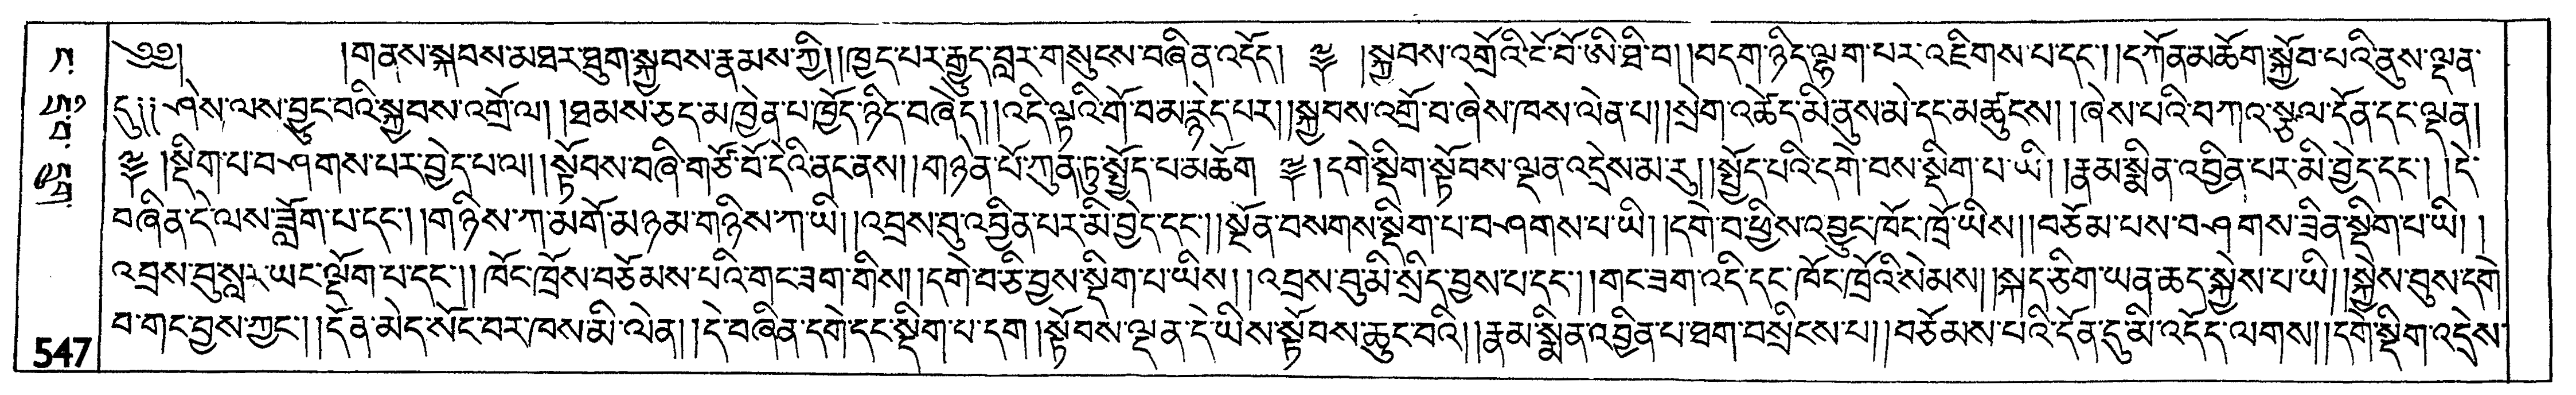༄༅། །གནས་སྐབས་མཐར་ཐུག་སྐྱབས་རྣམས་ཀྱི། །ཁྱད་པར་རྒྱུད་བླར་གསུངས་བཞིན་འདོད། ༈ །སྐྱབས་འགྲོའི་ངོ་བོ་ཨི་ཐི་བ། །བདག་ཉིད་ལྷག་པར་འཇིགས་པ་དང་། །དཀོན་མཆོག་སྐྱོབ་པའི་ནུས་ལྡན་
དུ༑ ༑ཤེས་ལས་བྱུང་བའི་སྐྱབས་འགྲོ་ལ། །ཐམས་ཅད་མཁྱེན་པ་ཁྱོད་ཉིད་བཞེད། །འདི་ལྟའི་གོ་བ་མ་རྙེད་པར། །སྐྱབས་འགྲོ་བ་ཞེས་ཁས་ལེན་པ། །སྲེག་འཚེད་མི་ནུས་མེ་དང་མཚུངས། །ཞེས་པའི་བཀའ་སྩལ་དོན་དང་ལྡན།
༈ །སྡིག་པ་བཤགས་པར་བྱེད་པ་ལ། །སྟོབས་བཞི་གཙོ་བོ་དེའི་ནང་ནས། །གཉེན་པོ་ཀུན་ཏུ་སྤྱོད་པ་མཆོག ༈ །དགེ་སྡིག་སྟོབས་ལྡན་འདྲེས་མ་རུ། །སྤྱོད་པའི་དགེ་བས་སྡིག་པ་ཡི། །རྣམ་སྨིན་འབྱིན་པར་མི་བྱེད་དང་། །དེ་
བཞིན་དེ་ལས་ཟློག་པ་དང་། །གཉིས་ཀ་མགོ་མཉམ་གཉིས་ཀ་ཡི། །འབྲས་བུ་འབྱིན་པར་མི་བྱེད་དང་། །སྔོན་བསགས་སྡིག་པ་བཤགས་པ་ཡི། །དགེ་བ་ཕྱིས་འབྱུང་ཁོང་ཁྲོ་ཡིས། །བཅོམ་པས་བཤགས་ཟིན་སྡིག་པ་ཡི། །
འབྲས་བུ་སླར་ཡང་ལྡོག་པ་དང་། །ཁོང་ཁྲོས་བཅོམས་པའི་གང་ཟག་གིས། །དགེ་བ་ཅི་བྱས་སྡིག་པ་ཡིས། །འབྲས་བུ་མི་སྲིད་བྱས་པ་དང་། གང་ཟག་འདི་དང་ཁོང་ཁྲོའི་སེམས། །སྐད་ཅིག་ཡན་ཆད་སྐྱེས་པ་ཡི། །སྐྱེས་བུས་དགེ་
བ་གང་བྱས་ཀྱང་། །དོན་མེད་སོང་བར་ཁས་མི་ལེན། །དེ་བཞིན་དགེ་དང་སྡིག་པ་དག །སྟོབས་ལྡན་དེ་ཡིས་སྟོབས་ཆུང་བའི། །རྣམ་སྨིན་འབྱིན་པ་ཐག་བསྲིངས་པ། །བཅོམས་པའི་དོན་དུ་མི་འདོད་ལགས། །དགེ་སྡིག་འདྲེས་